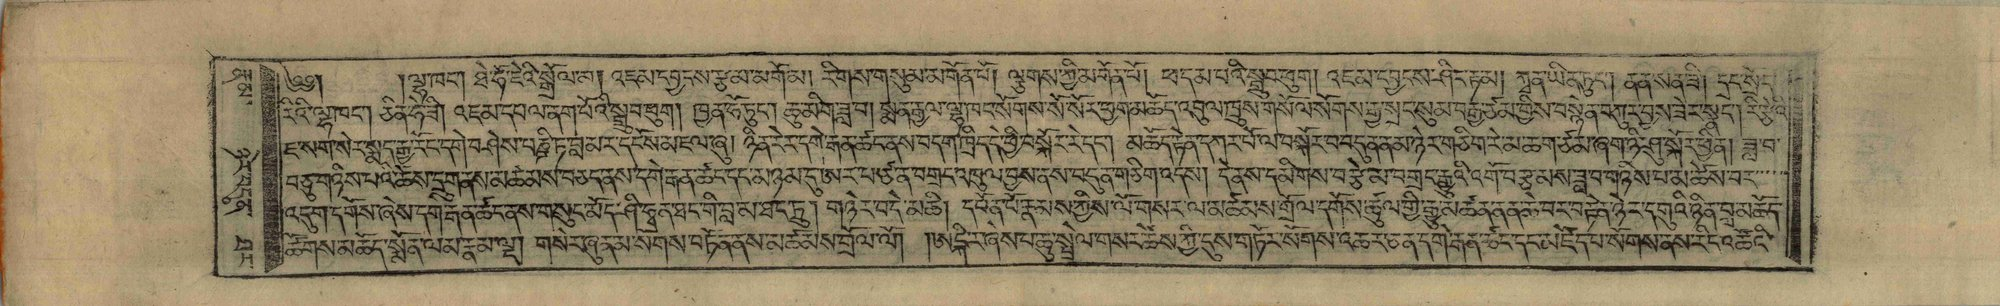༄༅། །ལྷ་ཁང་། ཐེ་ཧོ་ཇེའི་སྒྲོལ་མ། འཇམ་དབྱངས་རྩམ་མགོ་མ། རིགས་གསུམ་མགོན་པོ། ལྕགས་ཀྱི་མགོན་པོ། ཕ་དམ་པའི་སྒྲུབ་ཕུག །འཇམ་དབྱངས་ཤིང་རྟམ། ཀྭན་ཡིན་ཏུང་། རྣན་སན་ཟི། དྲང་སྲོང་
རིའི་ལྷ་ཁང་། ཅིན་ཧེ་ཟི། འཇམ་དཔལ་ནག་པོའི་སྒྲུབ་ཕུག །ཁྱན་ཧོ་ཏུང་། ཆུ་མིག་ཟླ་བ། སྨན་རྒྱལ་ལྷ་ཁང་སོགས་སོ་སོར་ཕྱག་མཆོད་འབུལ་ཁྲུས་གསོལ་སོགས་རྒྱ་སྲང་སུམ་བརྒྱ་ཙམ་གྱིས་བསྙེན་བཀུར་བྱས་ཟེར་སྣང་། རི་རྩེའི་
ཇ་སག་སེར་སྨད་རྒྱ་རོང་དགེ་བཤེས་པཎྜི་ཏ་བླ་མར་དངོས་མཇལ་ཞུ། ཉིན་རེར་དགེ་རྒན་ཚང་ནས་བདག་ཁྲིད་དེ་ཕྱི་བསྐོར་རེ་དང་། མཆོད་རྟེན་དཀར་པོ་ལ་བསྐོར་བ་བདུན་ནམ་ཉེར་གཅིག་རེ་མ་ཆག་ཙམ་ཞག་ཉི་ཤུ་སྐོར་ཕྱིན། ཟླ་བ་
བཅུ་གཉིས་པའི་ཚེས་དྲུག་ནས་མཚམས་བཅད་ནས་དགེ་རྒན་ཚང་དང་མཉམ་དུ་ཨ་ར་པ་ཙ་ན་བགྲང་འཁུལ་བྱས་ནས་བདུན་གཅིག་འདས། དེ་ནས་དམིགས་བརྩེ་མ་བགྲང་རྒྱུའི་འགོ་བརྩམས་ཟླ་བ་གཉིས་པ་མ་ཚེས་བར་
འདུག་དགོས་ཞེས་དགེ་རྒན་ཚང་ནས་གསུང་མོད་ཤི་ཧྭན་ཐང་གི་བླ་མ་ཐང་ཏྲུ། གཉེར་བདེ་མཆི། དཔོན་པོ་རྣམས་ཀྱིས་ལོ་གསར་ལ་མཚམས་གྲོལ་དགོས་ཚུལ་གྱི་རྒྱུ་མཚན་ནན་ཆེ་བར་བརྟེན་ཉེར་དགུའི་ཉིན་བླ་མཆོད་
ཚོགས་མཆོད་སྨོན་ལམ་རྣམ་ལྔ། གསེར་ཞུན་མ་སོགས་བཏོན་ནས་མཚམས་གྲོལ་ལོ། །ཨངྐི་ར་ཞེས་པ་ཆུ་སྤྲེལ་གསར་ཚེས་ཀྱི་དུས་གཏོར་སོགས་འཆར་ཅན་དགེ་རྒན་ཚང་དང་མཛོད་པ་སོགས་ནས་རིང་འཚོའི་